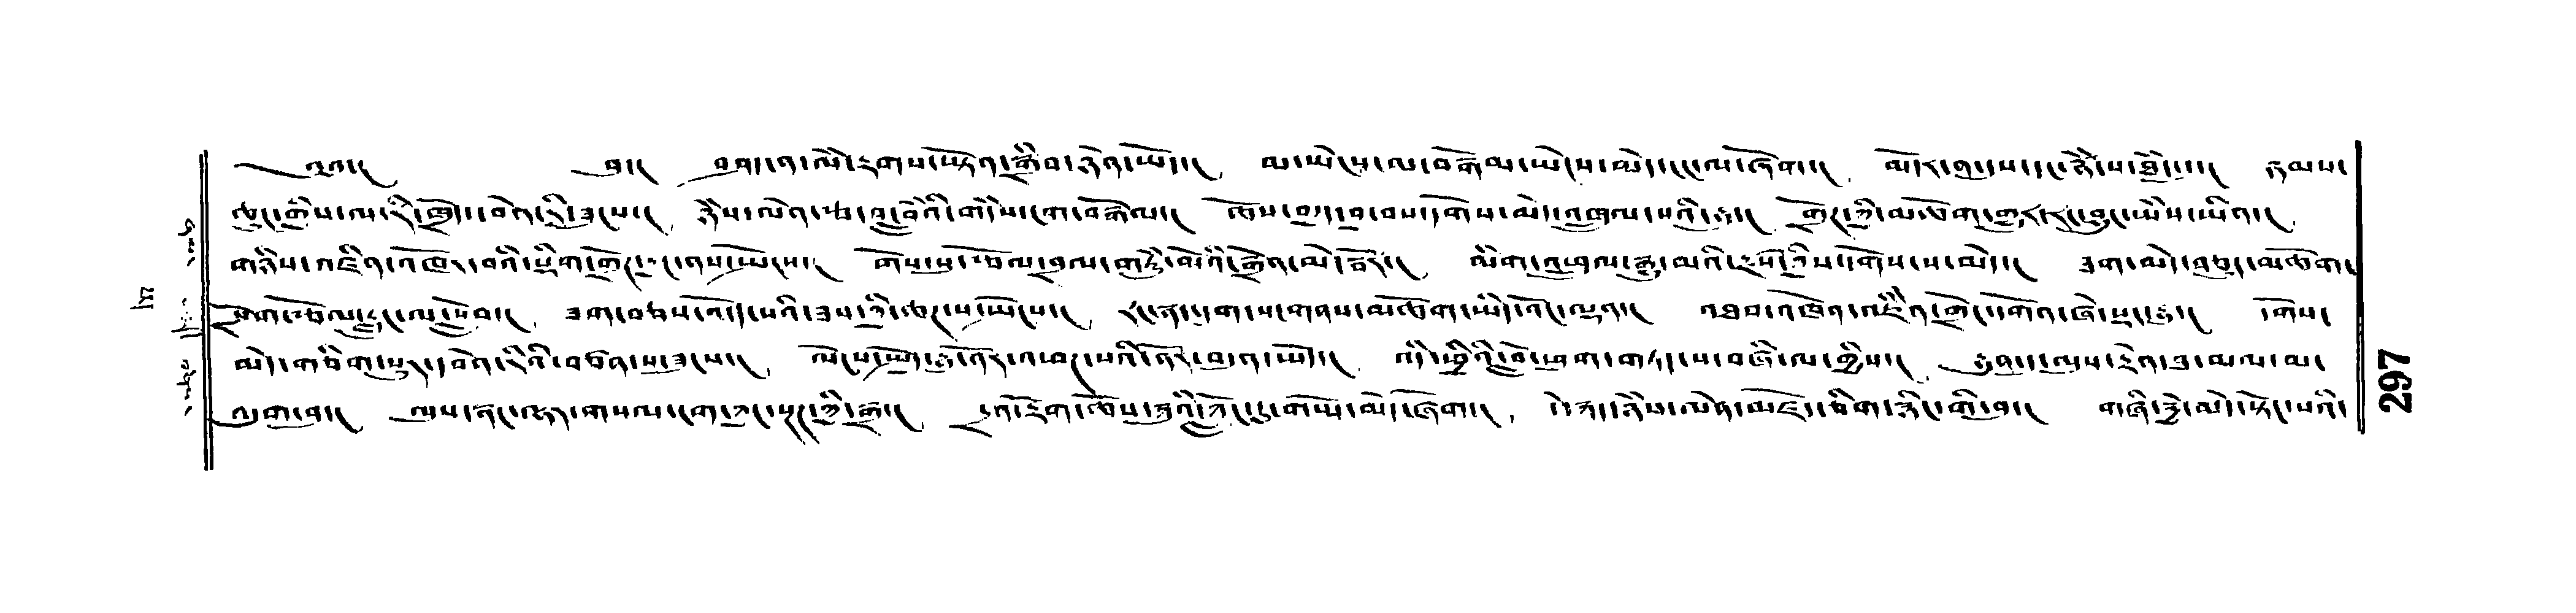བུ། །བཤད་ན་ལམ་རྟགས་ཡོན་ཏན་སྒྲིབ་ཉེན་ཡོད། །མ་ཡེངས་མ་བསྒོམ་ཡེངས་མེད་ངང་ལ་ཞོག །མདོར་ན་དུས་དང་རྣམ་པ་ཐམས་ཅད་དུ། །ཉམས་
ཆུང་གྱིས་ལ་རི་ཁྲོད་དབེན་རི་ཟུངས། །ཉམས་ལེན་རྩ་བ་བླ་མའི་གདམས་ངག་བསྒོམ། །ཆོས་བརྒྱད་བྱ་བས་དགོས་མེད་འཁྲུལ་པའི་རྒྱུ། །གྲོགས་ཀྱི་མཆོག་གྱུར་རང་བྱུང་ཡེ་ཤེས་ཡིན། །
གཉིས་འཛིན་འཁོར་བའི་སྡིག་གྲོགས་རྒྱང་ནས་སྤོངས། །གོས་སུ་རྩོལ་བྲལ་གཏུམ་མོའི་སྒྲོན་མེ་སྦོར། །མིག་འཕྲུལ་སྒྱུ་མའི་རྫས་ཀྱིས་དགོས་པ་མེད། །ཟག་མེད་བཅུད་མཆོག་
སྲོག་རྩོལ་རླུང་ལ་སློབ། །ཟག་བཅས་འདོད་པའི་ཟས་ཀྱི་ཆགས་པ་སྤོངས། །རང་སྣང་དག་པ་གནས་མཆོག་ཡིད་འོང་ལྡན། །འཐབ་འཁོན་འཇིག་རྟེན་གྲོང་དགོན་ཞེ་སྡང་རྒྱུ། །དགོས་
མེད་གཅིག་པུར་དབེན་རིའི་བཙན་ས་ཟུངས། །ལོངས་སྤྱོད་རྒྱུ་ནོར་འཕགས་པའི་ནོར་བདུན་ཡོད། །འདི་ཕྱིའི་བློ་ཕུགས་གཏད་ས་བཞི་ལ་གྱིས། །རྒྱུན་དུ་ལུས་རྟེན་ཐ་མལ་མ་
འདུག་བུ། །ལུས་སྣང་ལྷར་གསལ་ངག་ཀྱང་སྔགས་ཀྱི་སྒྲ། །དྲན་རྟོག་ཆོས་སྐུའི་ཀློང་དུ་གཡོ་མེད་ཞོག །དེ་སྐད་ཉམས་ལེན་མཛོད་ཅིག་སྙིང་གི་བུ། །གཞི་སྐྱེ་མེད་སྟོང་པའི་